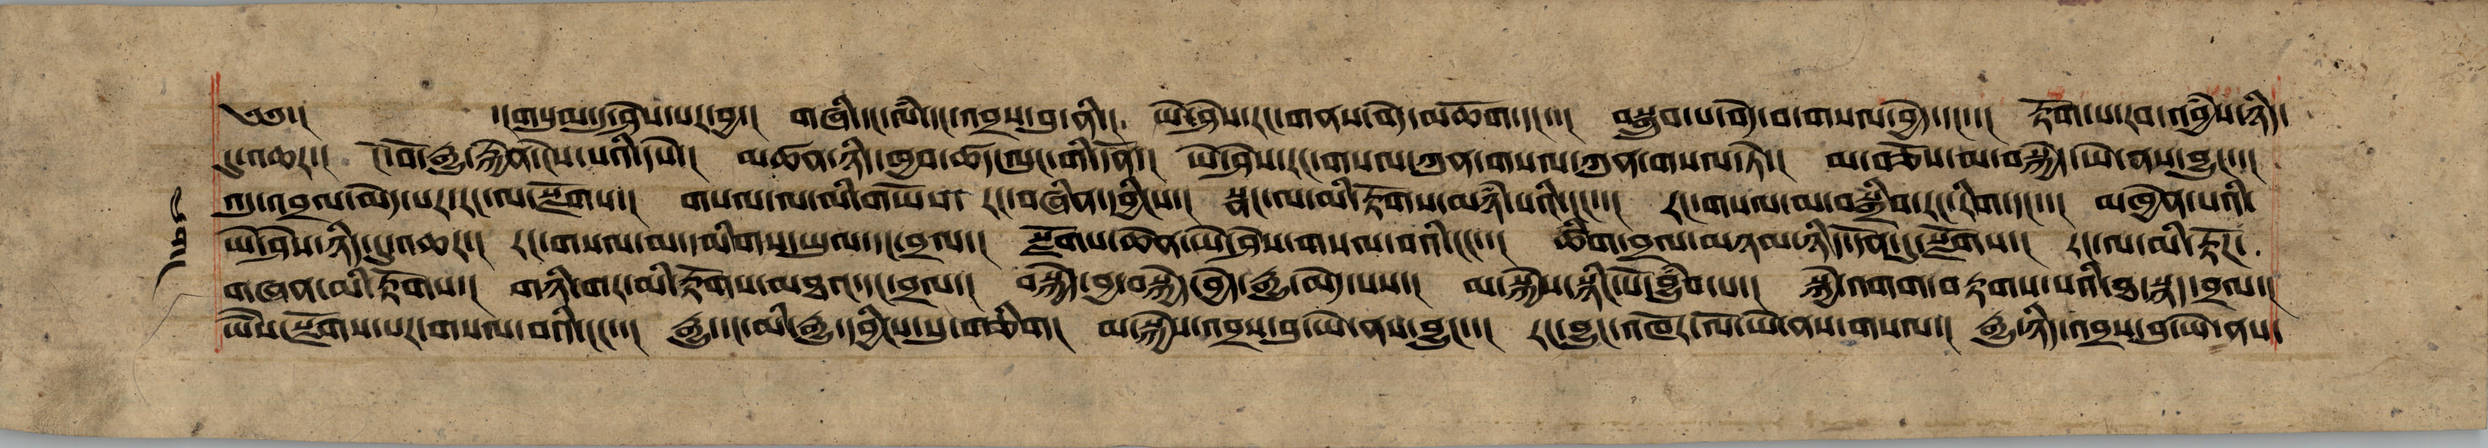༄༅་། ་།གསུམ་དུ་ཤེས་པར་བྱ་། གཞི་དང་ལཾ་དང་འབྲས་བུ་ནི་། ཡེ་ཤེས་རང་གནས་བདེ་མཆོག་དང་་། བསྒྲུབ་པ་བདེ་བ་གསལ་བྱེད་དང་་། རྟོག་པ་རབ་འབྱཾས་ཉིད་
དུ་འཆར་། ངོ་བོ་རྒྱུ་རྐྱེན་ངེས་པའི་དཔེ་། མཚན་ཉིད་ཁྱབ་ཚད་ལུང་གི་དོན་། ཡེ་ཤེས་རང་གསལ་ཀུན་གསལ་ཀུན་གསལ་ཏེ་། མ་བཅོས་མ་བསྐྱེད་ཡེ་ནས་བྱུང་་།
འདུ་འབྲལ་མེད་པར་རང་ལ་སྫོགས་། གསལ་ལ་མི་གཡོས་ རང་བཞིན་དབྱིངས་། སྣང་ལ་མི་རྟོགས་མཉཾ་པའི་ངང་་། རང་གསལ་མ་བསྒྲིབ་རང་རིག་དང་་། མཁྱེན་པའི་
ཡེ་ཤེས་ཉིད་དུ་འཆར་། རང་གསལ་མ་དམིགས་ཡུལ་དང་བྲལ་། སྫོགས་ཆེན་ཡེ་ཤེས་གསལ་བའི་ངང་་། ཚིག་བྲལ་མཉམ་ཉིད་དོན་དུ་སྫོགས་། རང་ལ་མི་རྟོཌ་
གཞན་མི་རྟོགས་། གཉི་གར་མི་རྟོགས་མཐའ་དང་བྲལ་། བསྐྱེད་བྱ་བསྐྱེད་བྱེད་རྒྱུ་མེད་པས་། མ་སྐྱེས་སྙིང་པོ་བྱུཾབ་པ་། སྐྱེ་འགག་བརྟགས་པའི་ཐ་སྙད་བྲལ་།
ཡཻས་སྫོགས་པར་གསལ་བའི་ངང་་། རྒྱུ་དང་མི་རྒྱུ་དབྱིངས་སུ་གཅིག། མ་སྐྱེས་འབྲས་བུ་ཡེ་ནས་བྱུང་་། རང་བྱུང་འཁོར་ལོ་ཡེ་ནས་གསལ་། རྒྱུ་ཉིད་འབྲས་བུ་ཡེ་ནས་